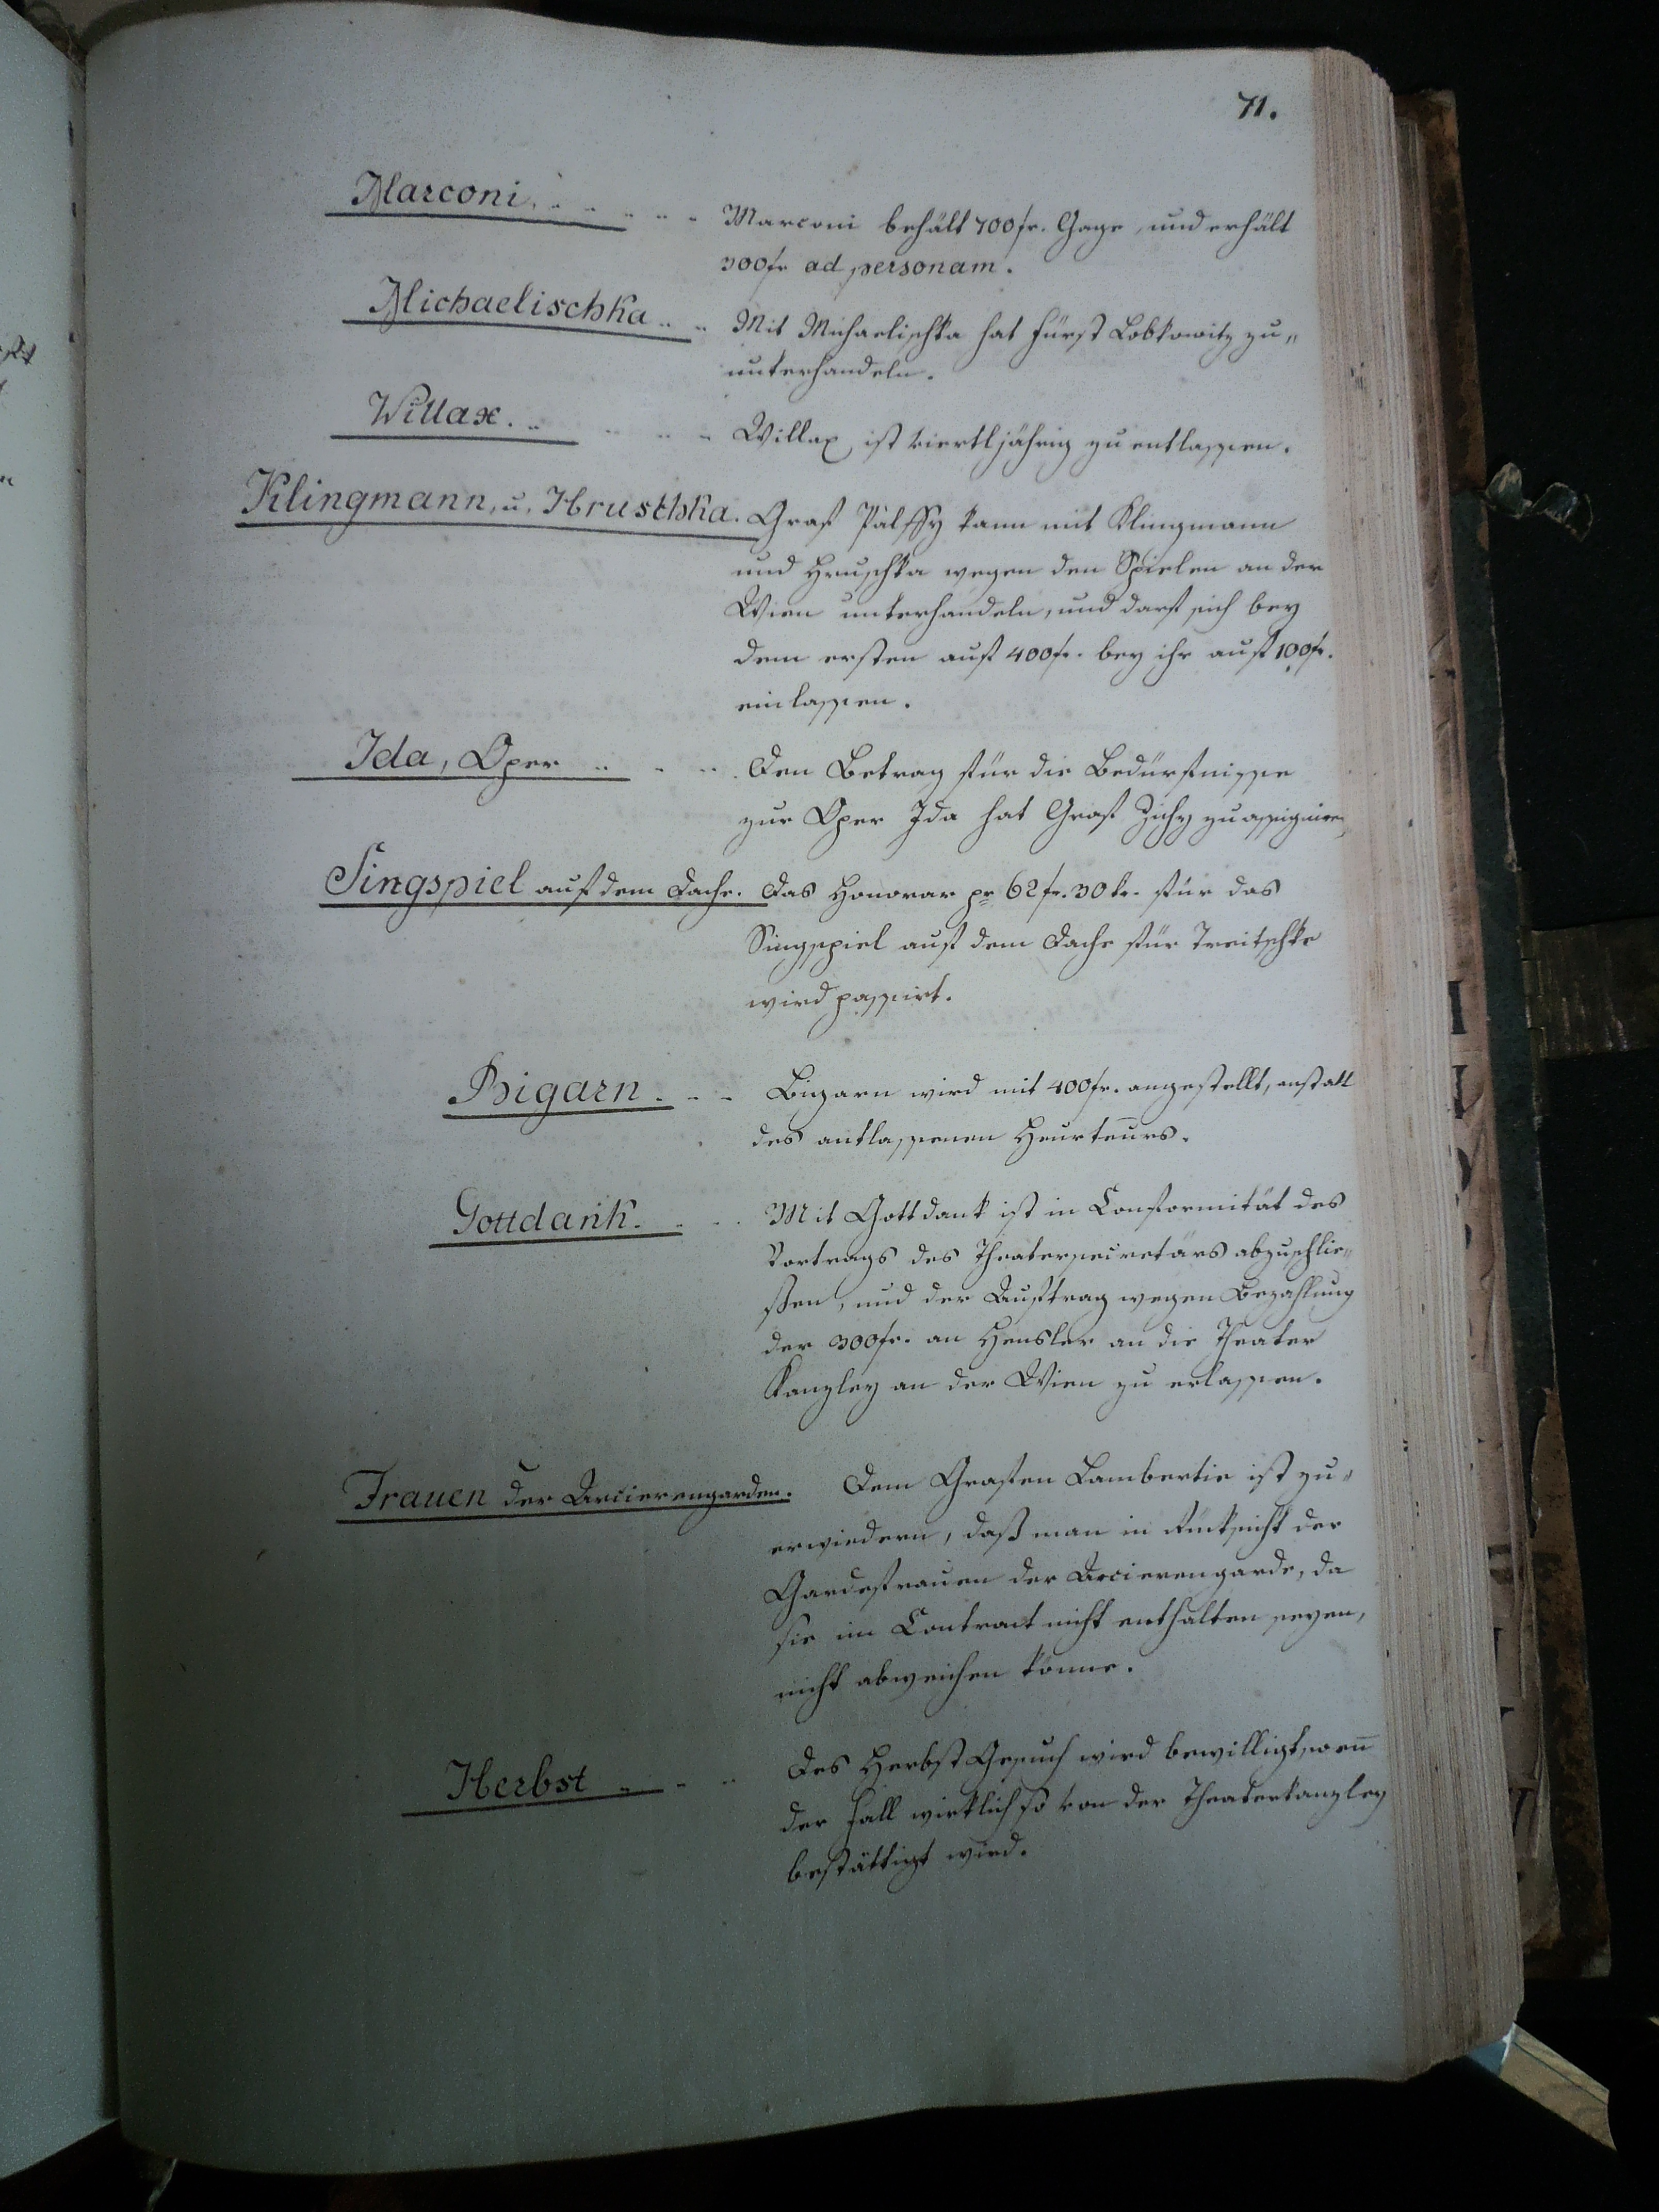71.
Marconi, .. .. .. .. .. Marcoini behält 700 fr. Gage, und erhält
300fr ad personam.
Michaelischke .. .. Mit Mihaelischka hat Fürst Lobkowitz zu¬
unterhandeln.
Willax . .. .. .. .. Willax, ist viertljächreng zu entlassen.
Klingmann, u. Hruschka. Graf Pàlffy kann mit Klingmann
und Hruschka wegen den Spielen an der
Wien unterhandeln, und darf sich bey
dem ersten auf 400fr. bey ihr auf 100f.
einlassen.
Ida, Oper .. .. .. Den Betrag für die Bedürfnisse
zur Oper Ida hat Graf Zichy zu assiziren.
Singspiel auf dem Dache. Das Honorar pr̳ 61 fr. 30 kr. für das
Singspiel auf dem Dache für Treitschke
wird passirt.
Bigarn . .. .. Bigarn wird mit 400fr.angestellt, anstatt
des entlassenen Heurteurs.
Gottdank. .. .. .. Mit Gottdank ist in Conformität des
Vortrags des Theatersecretärs abzuschlie¬
ßen, und der Auftrag wegen Bezahlung
der 300fr. an Hensler an die Theater
Kanzley an der Wien zu erlassen.
Frauen der Arcierengarden. Dem Grafen Lambertie ist zu¬
erwiedern, daß man in Rücksicht der
Gardefrauen der Arcierengarde, da
sie in Contract nicht enthalten seyen,
nicht abweichen könne.
Herbst .. .. .. Des Herbst Gesuch wird bewilligt, wen̄
der Fall wirklich so von der Theaterkanzley
bestättigt wird.